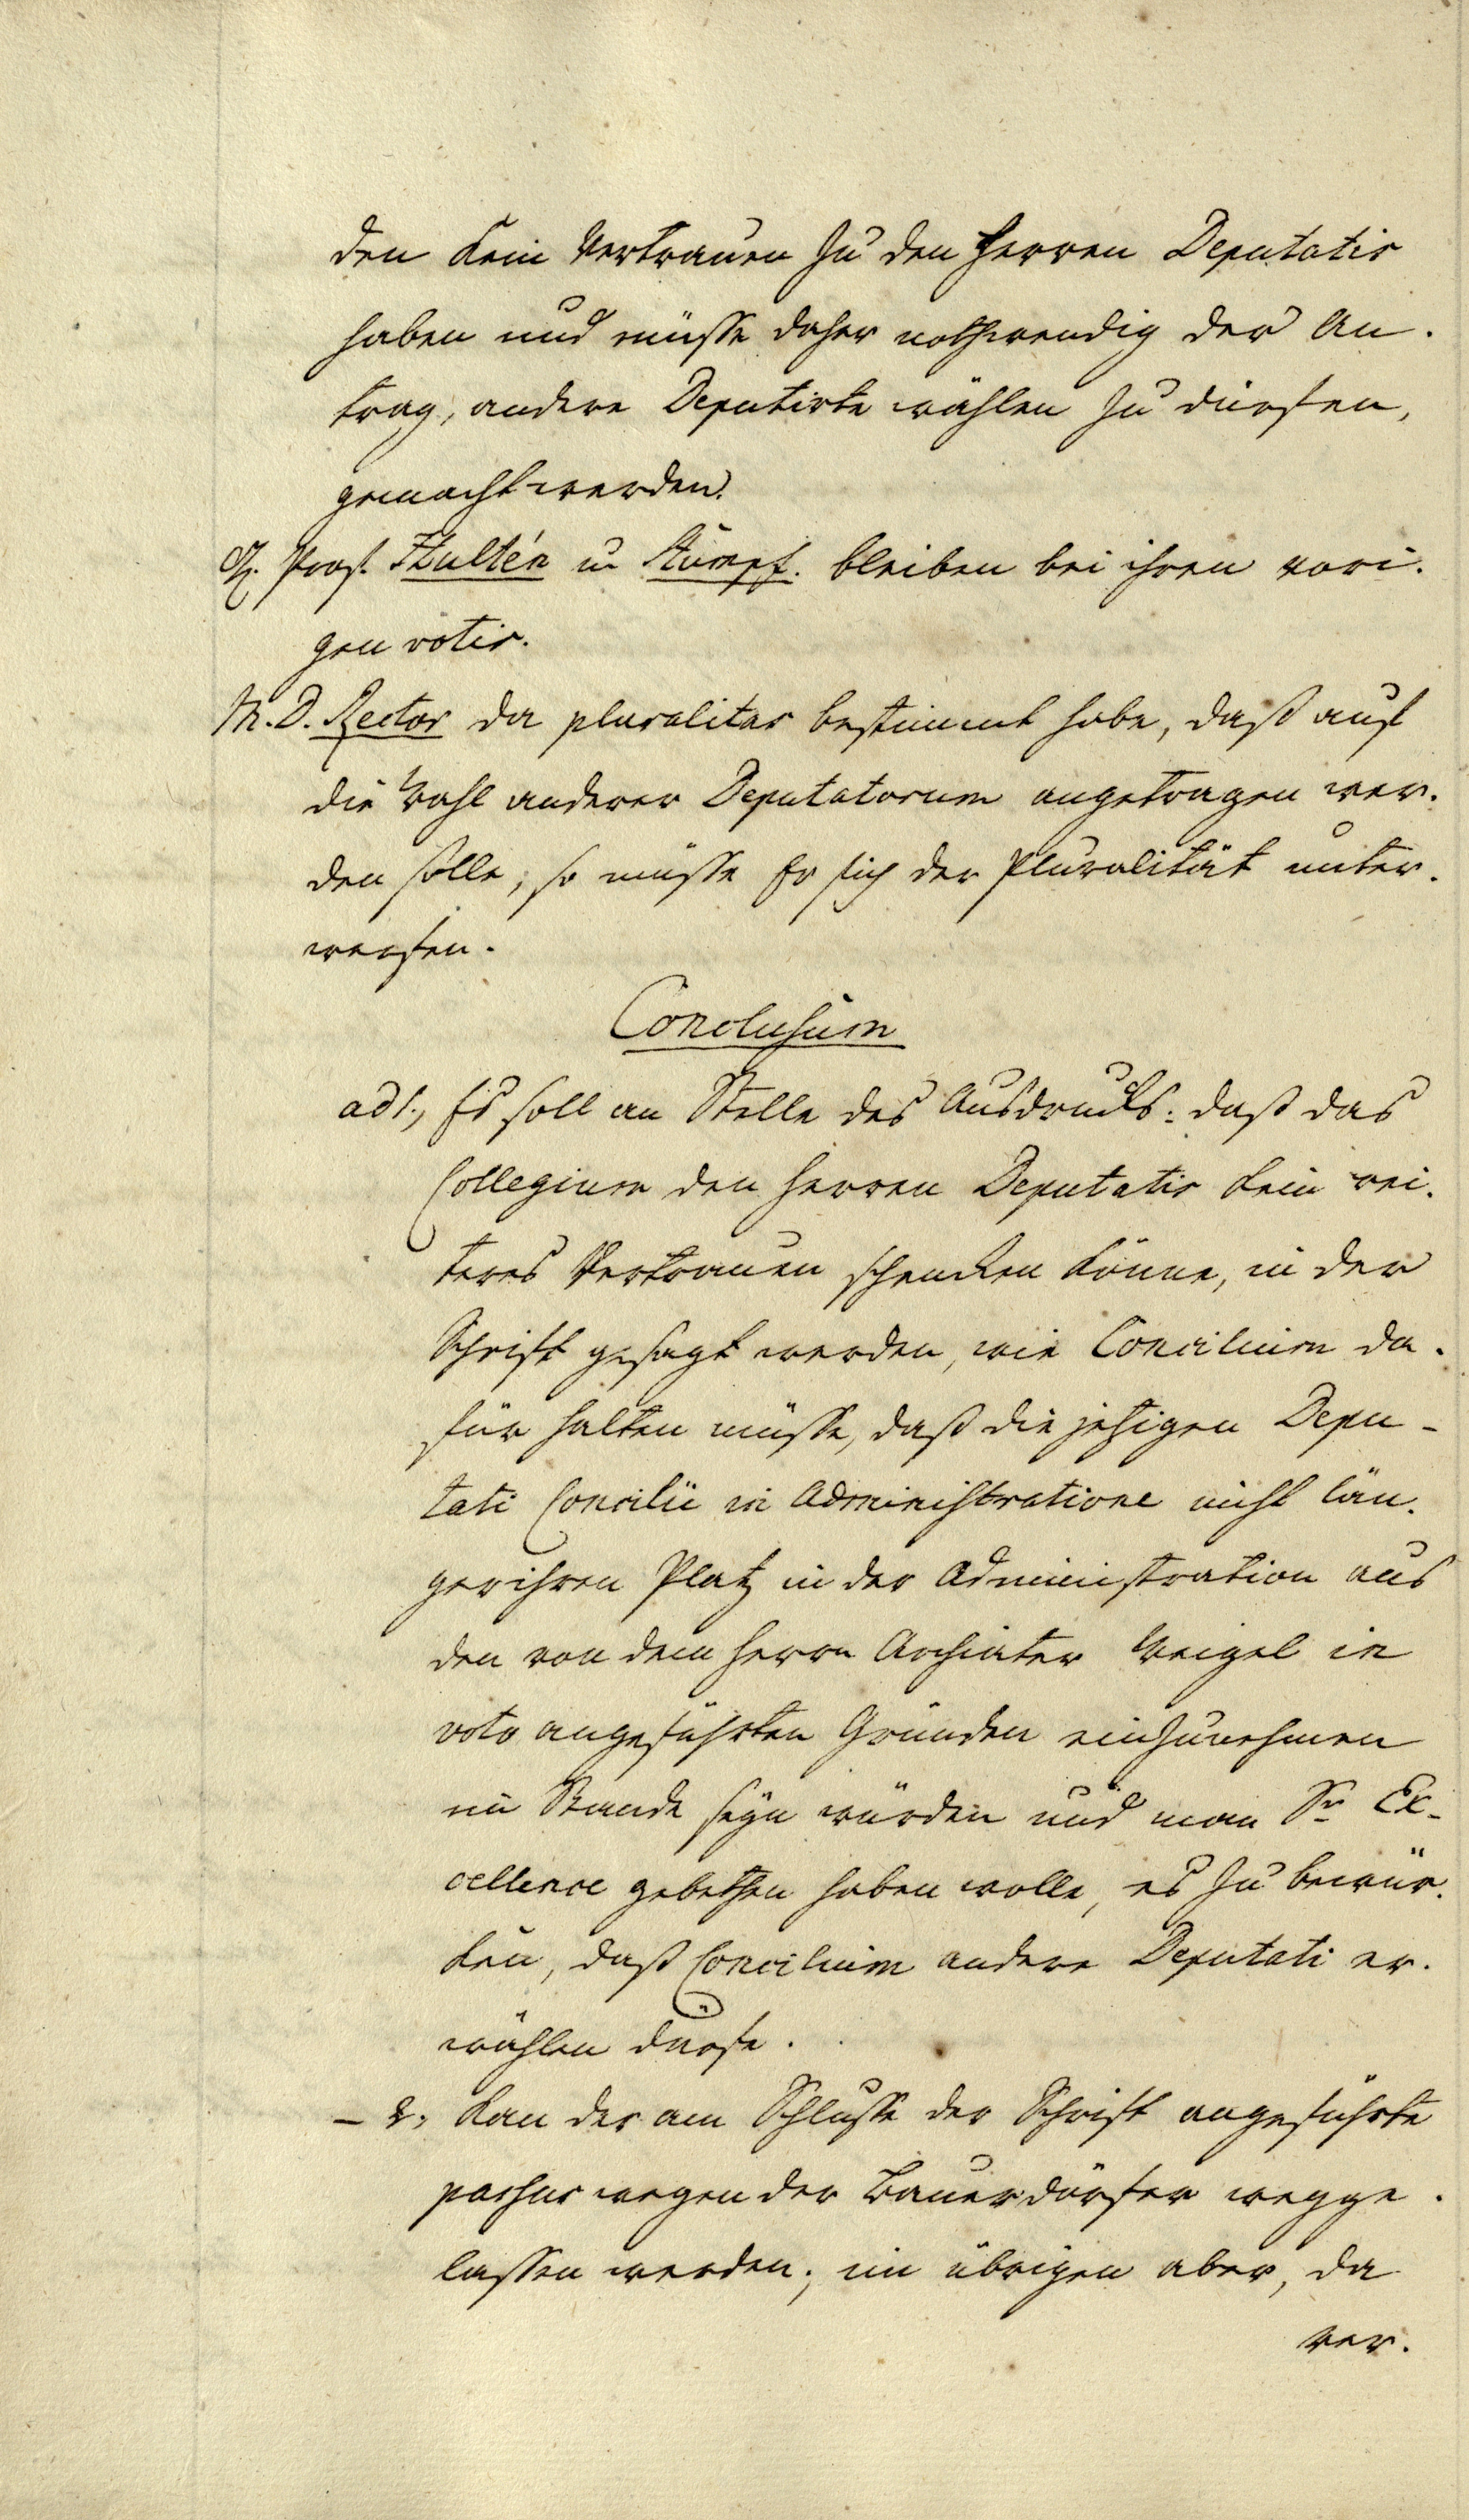den kein Vertrauen zu den Herren Deputatis
haben und müsse daher nothwendig der An¬
trag, andere Deputirte wählen zu dürfen,
gemacht werden.
dh. Prof. Hultén u. Stumpf. bleiben bei ihren vori¬
gen votis.
M. D. Rector da pluralitas bestimmt habe, daß auf
die Wahl anderer Deputatorum angetragen wer¬
den solle, so müsse Er sich der Pluralität unter¬
werfen.
Conclusum
ad 1., Es soll an Stelle des Ausdrucks: daß das
Collegium den Herren Deputatis kein wei¬
teres Vertrauen schencken könne, in der
Schrift gesagt werden, wie Concilium da¬
für halten müsse, daß die jetzigen Depu¬
tati Concilii in Administratione nicht län¬
ger ihren Platz in der Administration aus
den von dem Herrn Archiater Weigel in
voto angeführten Gründen einzunehmen
in Stande seÿn würden und man Sr Ex¬
cellence gebethen haben wolle, es zu bewür¬
ken, daß Concilium andere Deputati er¬
wählen dürfe.
2., Kan der am Schlusse der Schrift angeführte
passus wegen der Bauerdörfer wegge¬
lassen werden; im übrigen aber, da
ver